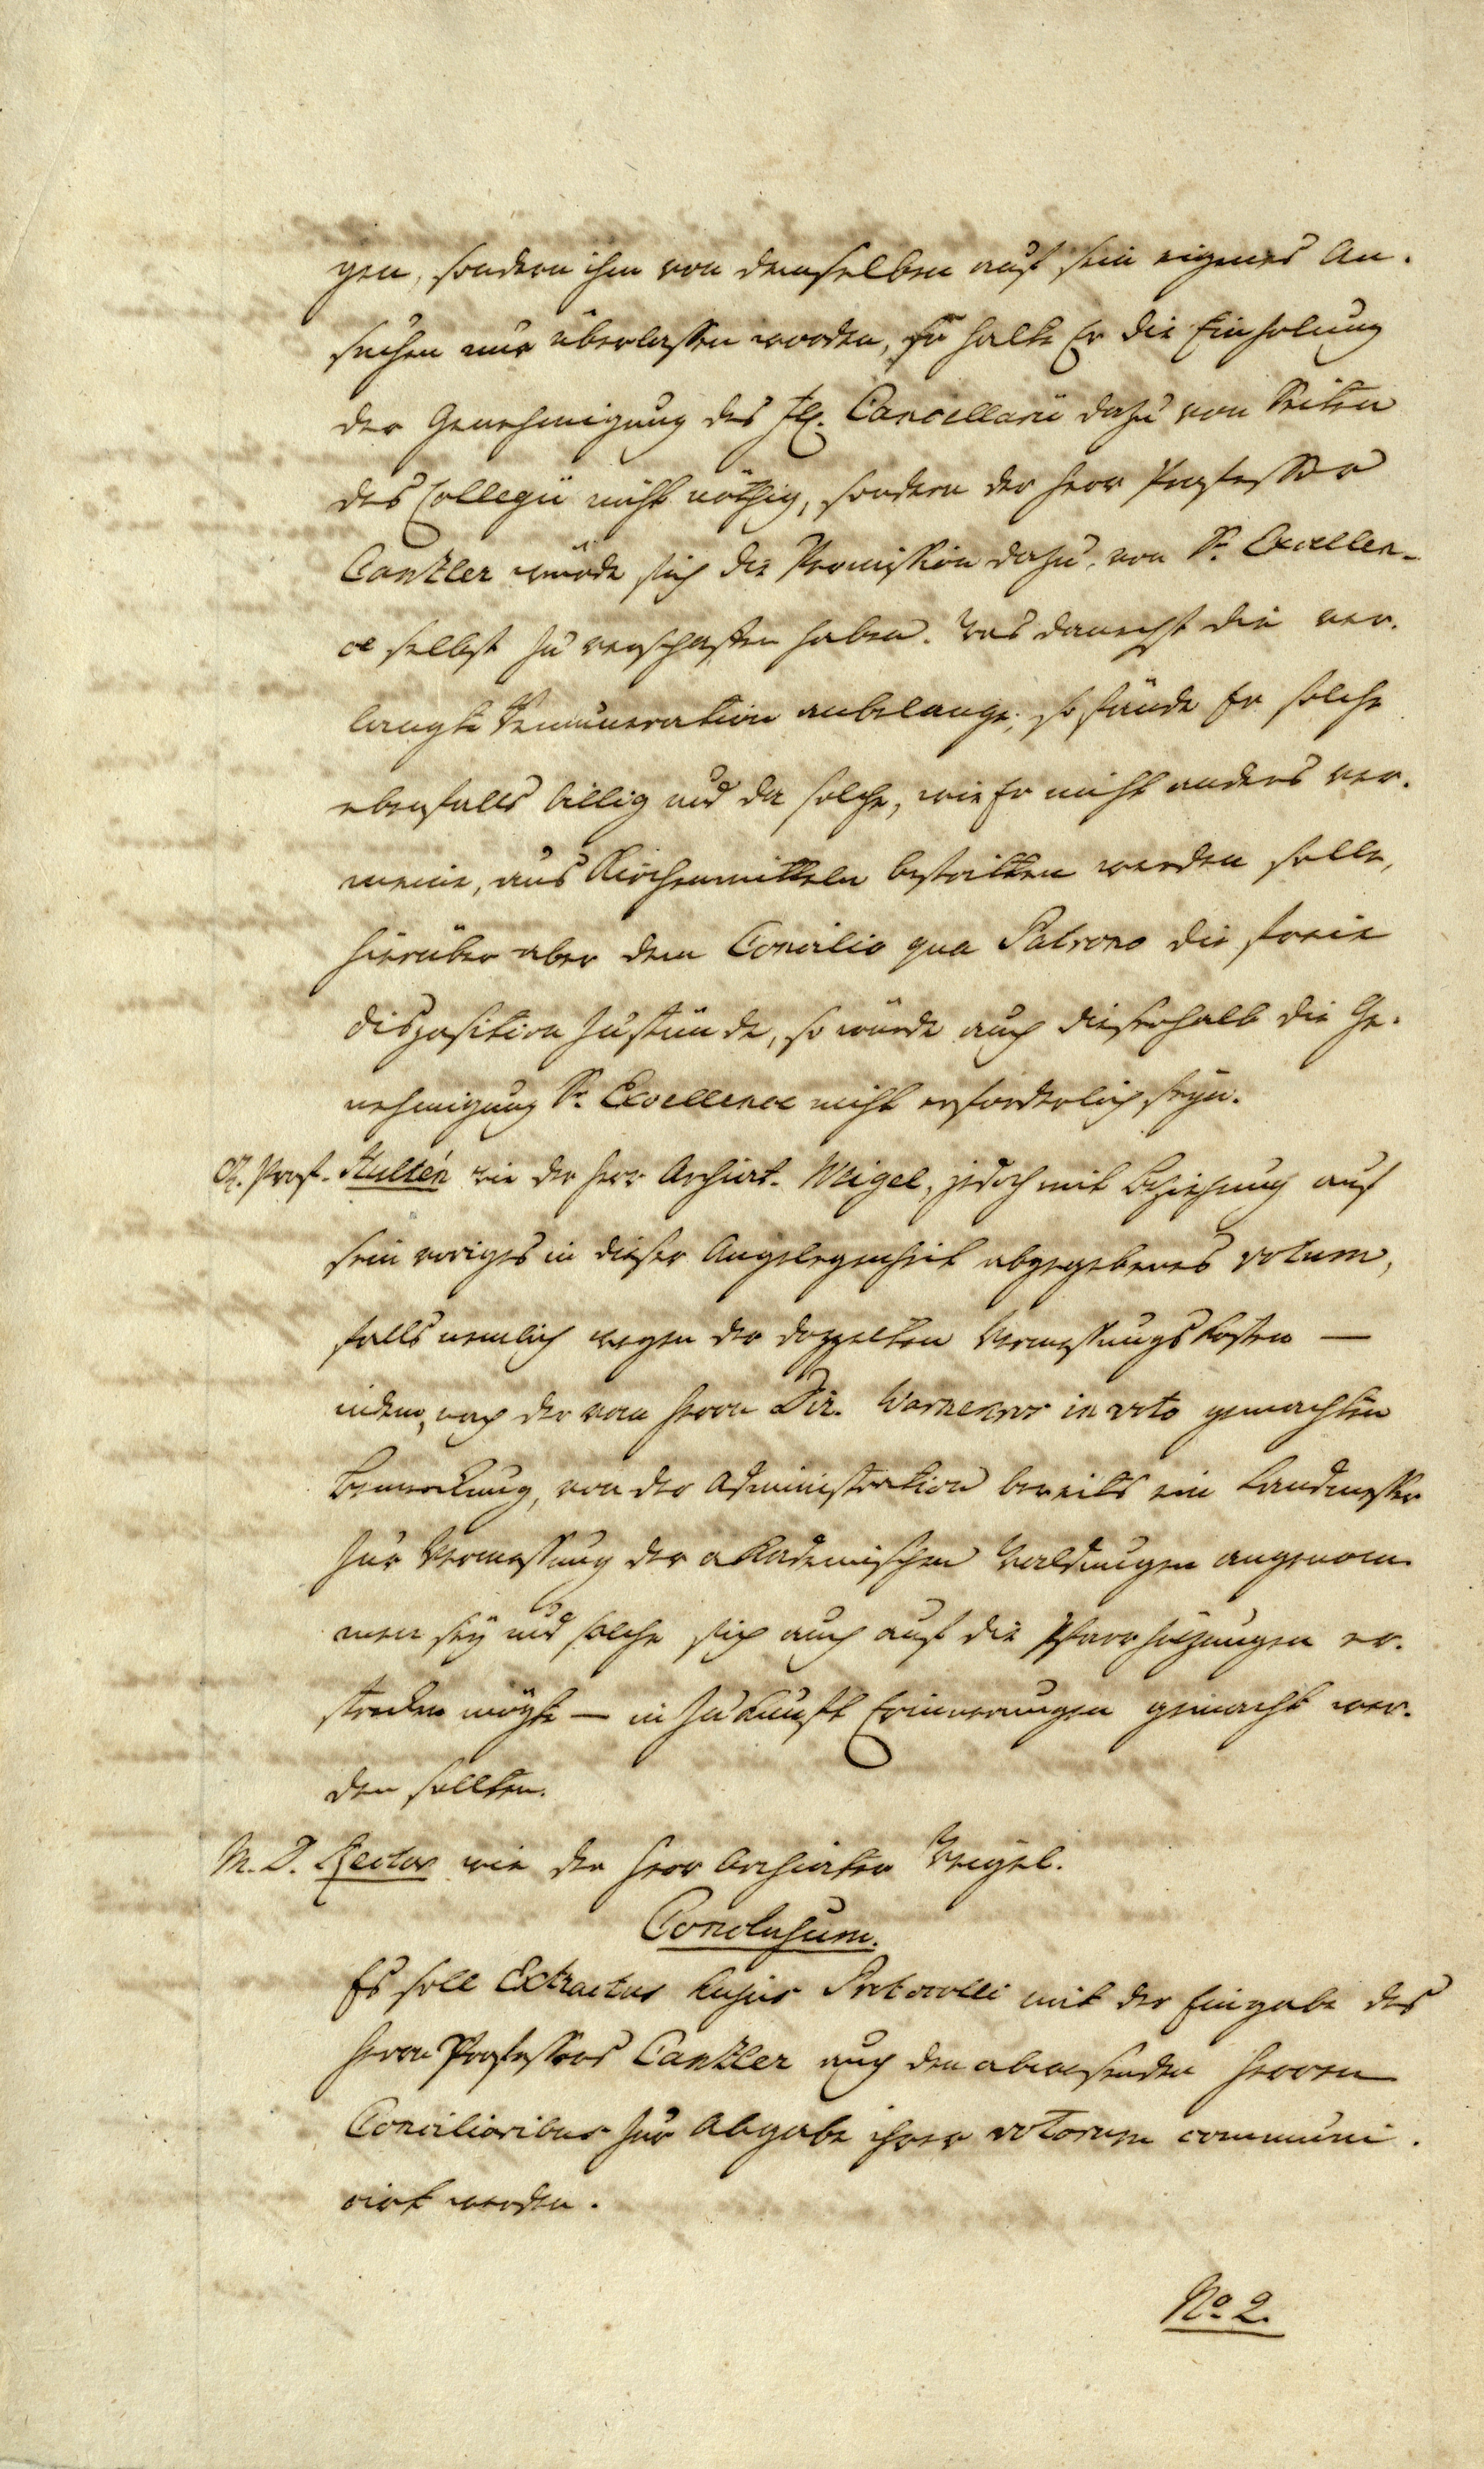gen, sondern ihm von demselben auf sein eigenes An¬
suchen nur überlassen worden, so halte Er die Einholung
der Genehmigung des Ill. Cancellarii dazu von Seiten
des Collegii nicht nöthig, sondern der Herr Professor
Canzler würde sich die Permission dazu von Sr Excellen¬
ce selbst zu verschaffen haben. Was danechst die ver¬
langte Remuneration anbelange, so fände Er solche
ebenfalls billig und da solche, wie Er nicht anders ver¬
meine, aus Kirchenmitteln bestritten werden solle,
hierüber aber dem Concilio qua Patrono die freie
disposition zustünde, so würde auch dieserhalb die Ge¬
nehmigung Sr Excellence nicht erforderlich seÿn.
dh. Prof. Hultén wie der der Archiat. Weigel, jedoch mit Beziehung auf
sein voriges in dieser Angelegenheit abgegebenes votum,
falls nemlich wegen der doppelten Vermessungskosten
indem, nach der vom Herrn Dir. Warnekros in voto gemachten
Bemerckung, von der Administration bereits ein Landmesser
zur Vermessung der akademischen Waldungen angenom¬
men seÿ und solche sich auch auf die Pfarrhölzungen er¬
strecken , in Zukunft Erinnerungen gemacht wer¬
den sollten.
M. D. Rector wie der Herr Archiater Weigel.
Conclusum.
Es soll Extractus hujus Protocolli mit der Eingabe des
Herrn Professors Canzler auch den abwesenden Herren
Conciliaribus zur Abgabe ihrer votorum communi¬
cirt werden.
No 2.